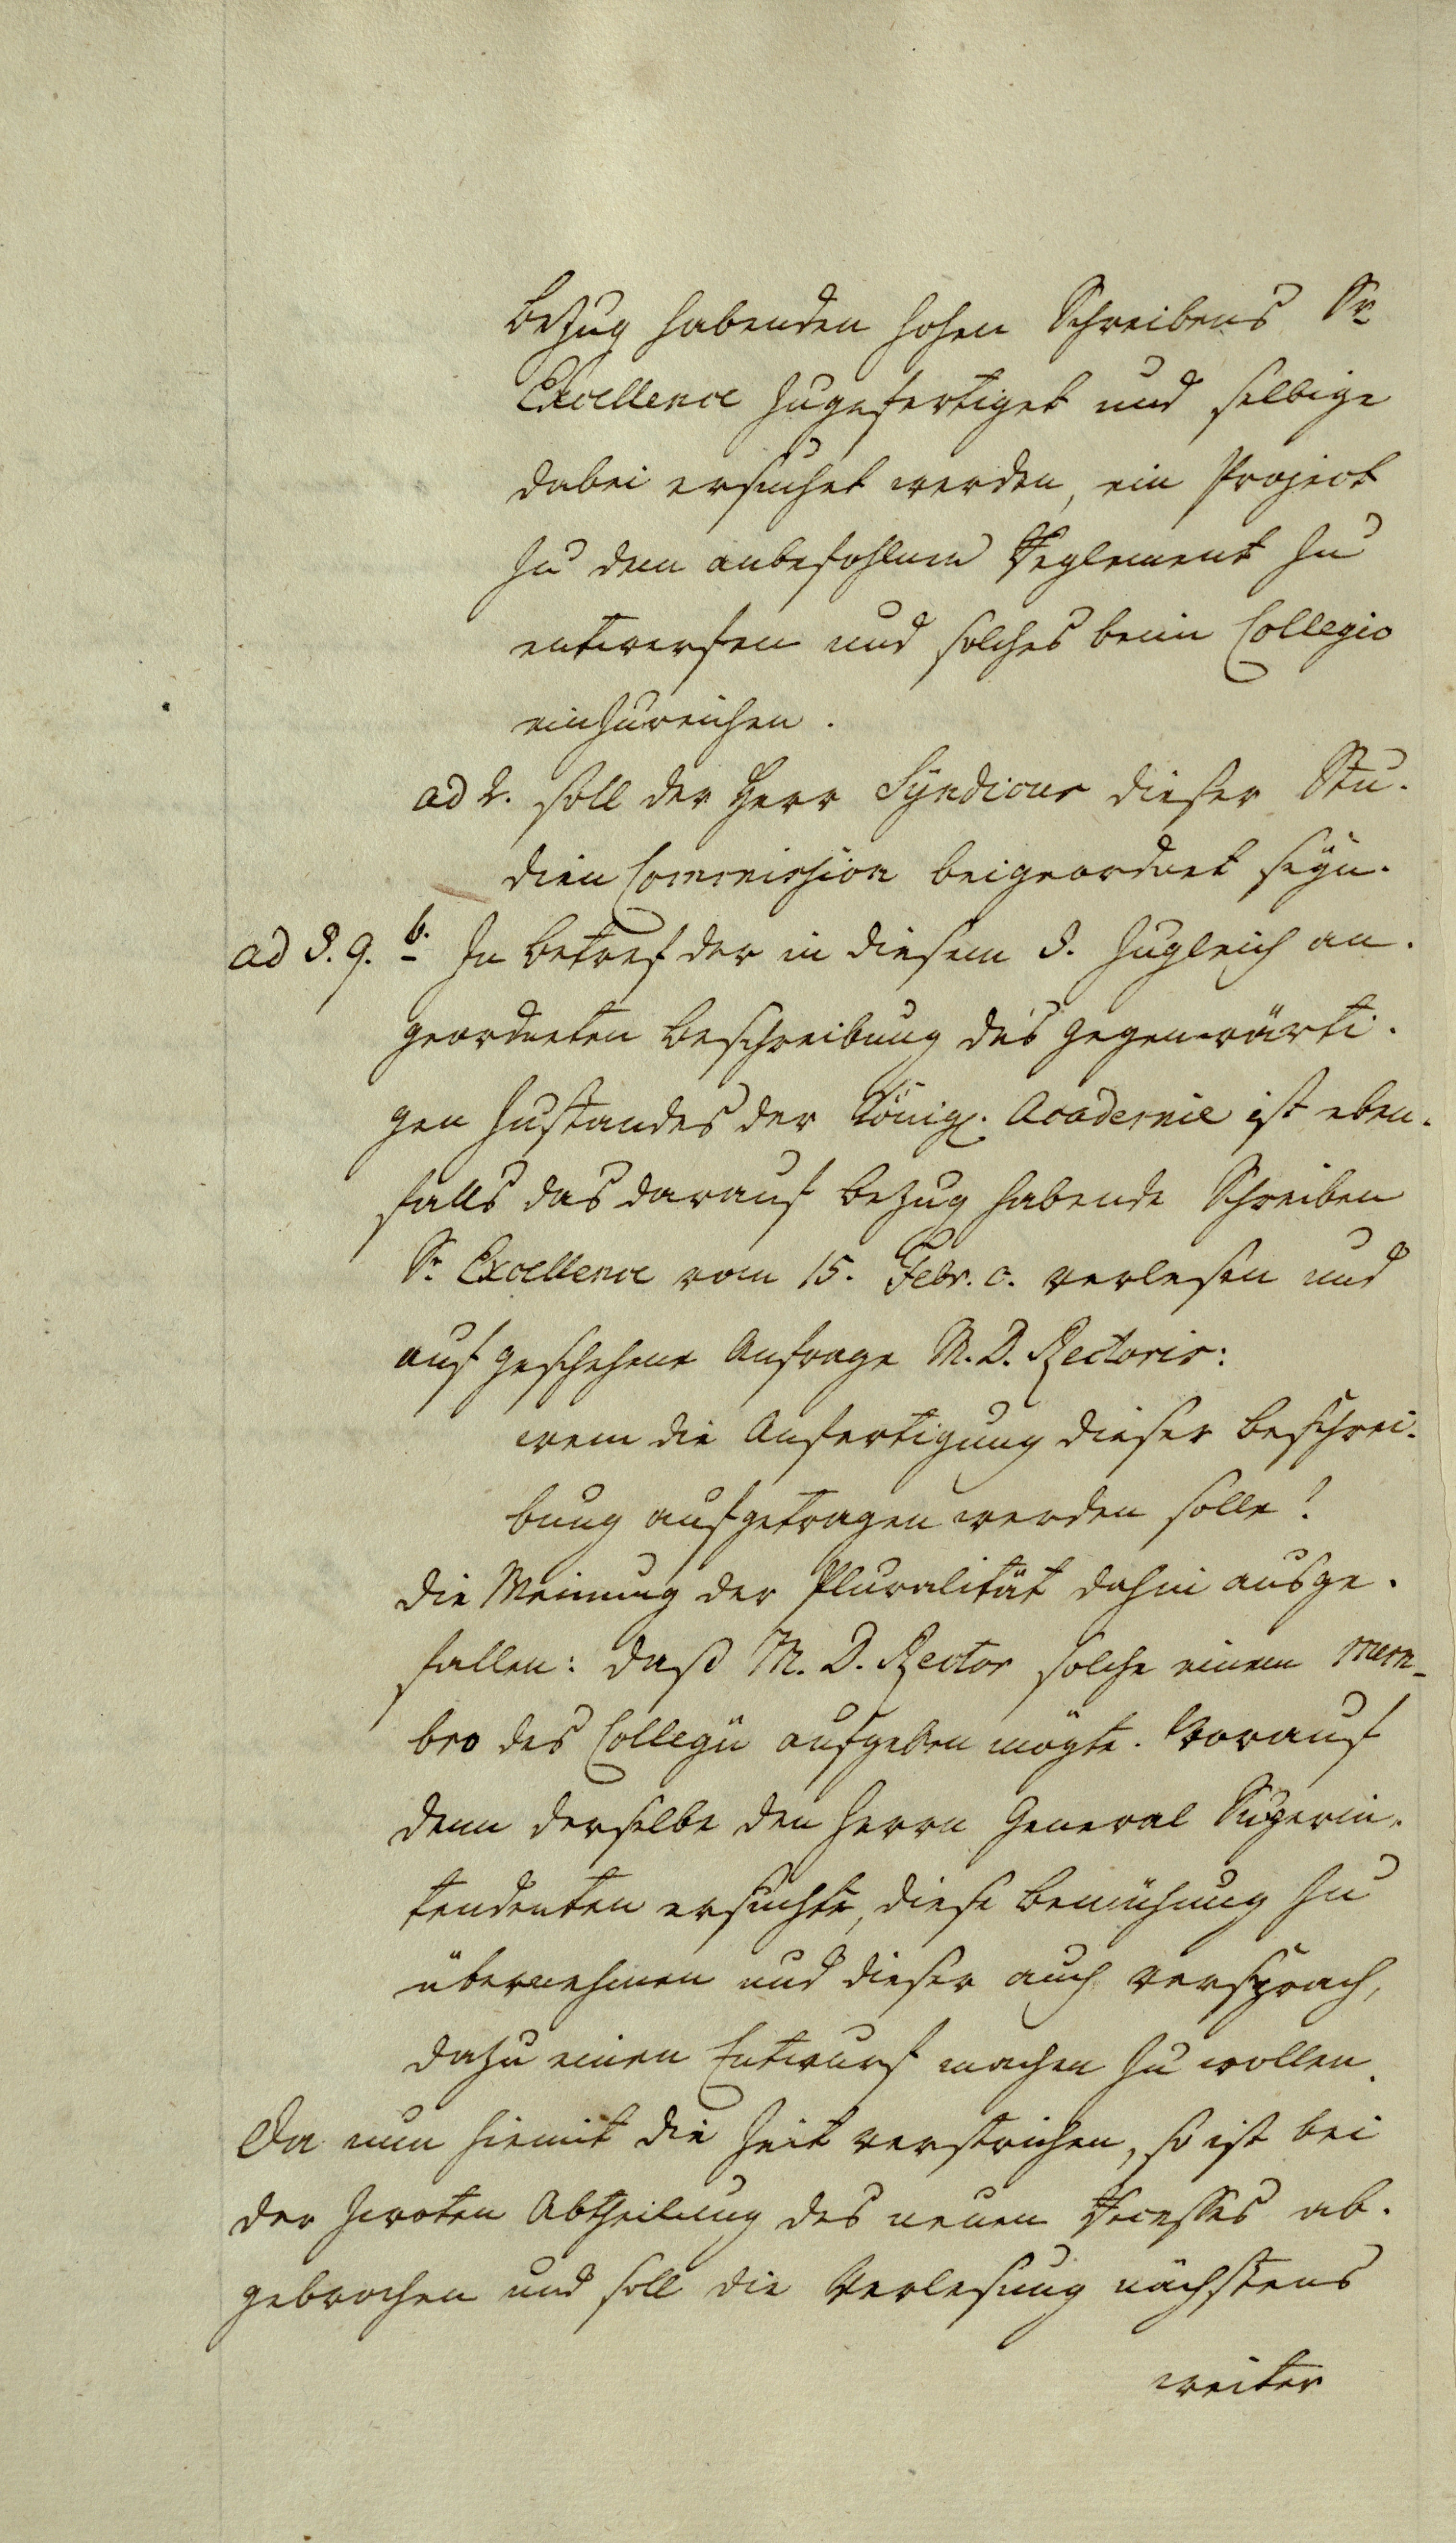Bezug habenden hohen Schreibens Sr
Excellence zugefertiget und selbige
dabei ersuchet werden, ein Project
zu dem anbefohlnen Reglement zu
entwerfen und solches beim Collegio
einzureichen.
ad 2. soll der Herr Sÿndicus dieser Stu¬
dien Commission beigeordnet seÿn.
ad §. 9. b. In Betref der in diesem §. zugleich an¬
geordneten Beschreibung des gegenwärti¬
gen Zustandes der Königl. Academie ist eben¬
falls das darauf Bezug habende Schreiben
Sr Excellence vom 15. Febr. c. verlesen und
auf geschehene Anfrage M. D. Rectoris:
wem die Anfertigung dieser Beschrei¬
bung aufgetragen werden solle?
Die Meinung der Pluralität dahin ausge¬
fallen: daß M. D. Rector solche einem Mem¬
bro des Collegii aufgeben mögte. Worauf
denn derselbe den Herrn General Superin¬
tendenten ersuchte, diese Bemühung zu
übernehmen und dieser auch versprach,
dazu einen Entwurf machen zu wollen.
Da nun hiemit die Zeit verstrichen, so ist bei
der zwoten Abtheilung des neuen Recesses ab¬
gebrochen und soll die Verlesung nächstens
weiter